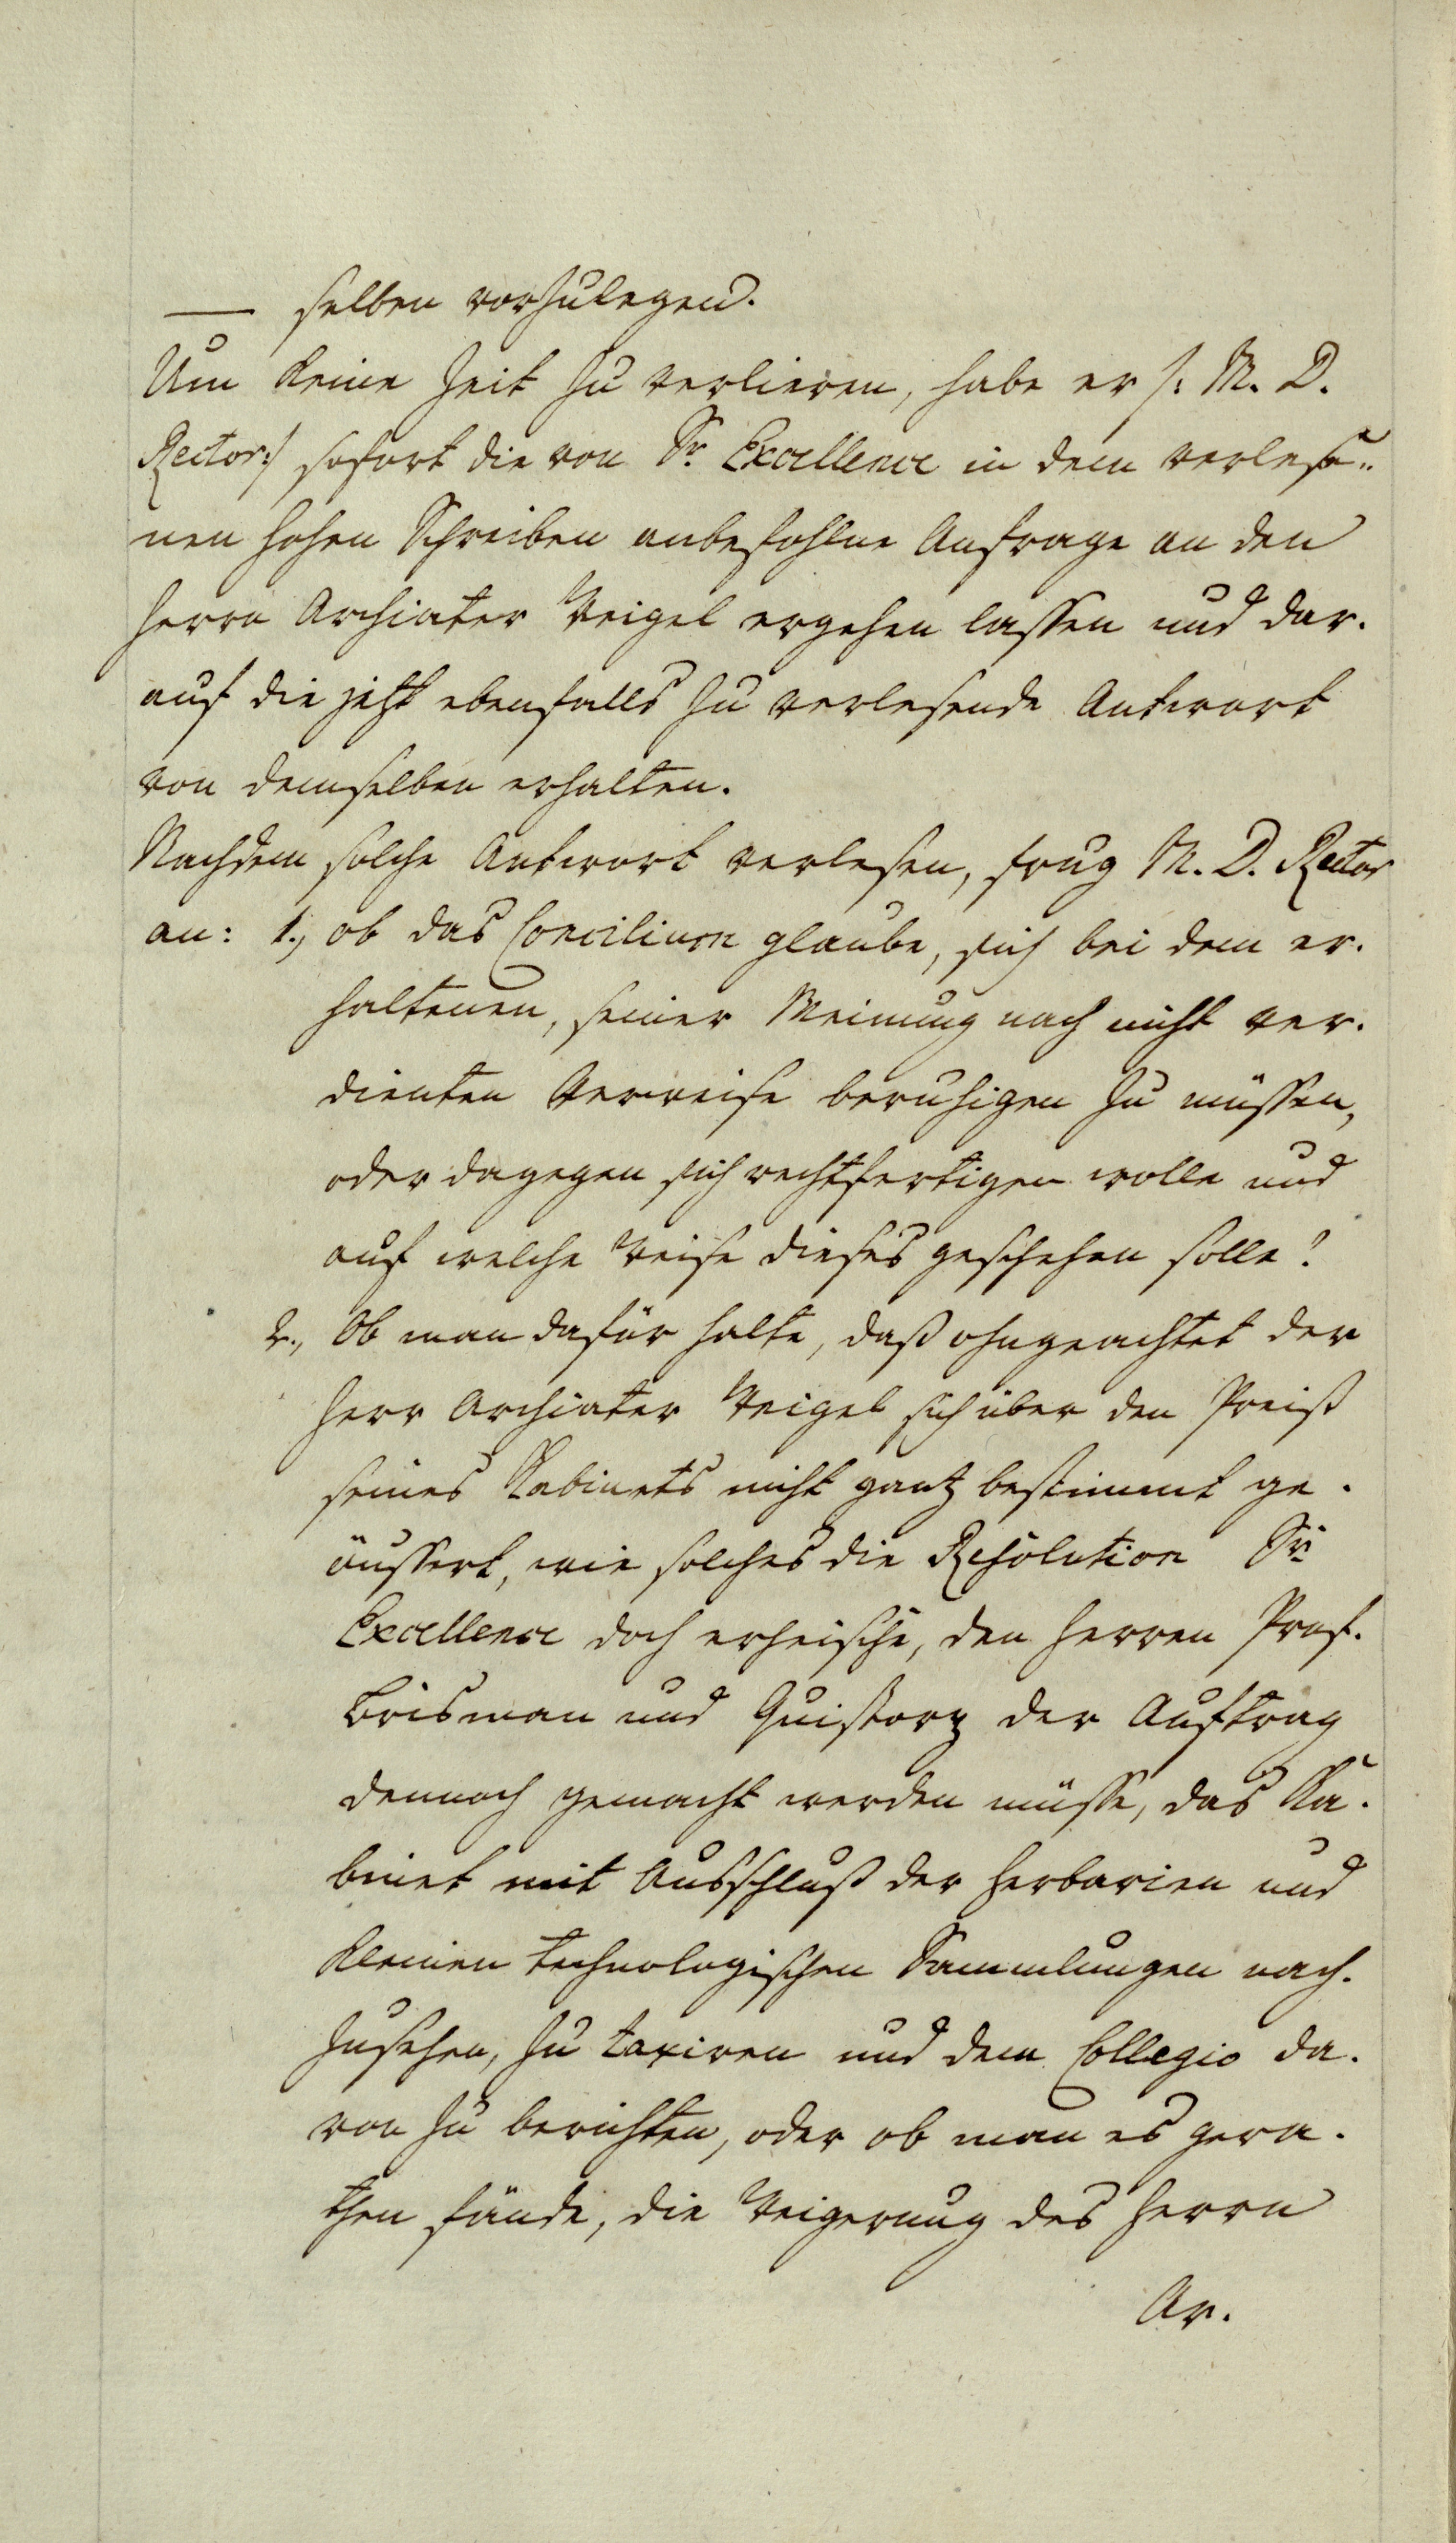selben vorzulegen.
Um keine Zeit zu verlieren, habe er /:M. D.
Rector :/ sofort die von Sr Excellence in dem verlese¬
nen hohen Schreiben anbefohlne Anfrage an den
Herrn Archiater Weigel ergehen lassen und dar¬
auf die jetzt ebenfalls zu verlesende Antwort
von demselben erhalten.
Nachdem solche Antwort verlesen, frug M. D. Rector
an: 1., ob das Concilium glaube, sich bei dem er¬
haltenen, seiner Meinung nach nicht ver¬
dienten Verweise beruhigen zu müssen,
oder dagegen sich wechtfertigen wolle und
auf welche Weise dieses geschehen solle?
2., Ob man dafür halte, daß ohngeachtet der
Herr Archiater Weigel sich über den Preiß
seines Kabinets nicht gantz bestimmt ge¬
äussert, wie solches die Resolution Sr
Excellence doch erheische, den Herren Prof.
Brisman und Quistorp der Auftrag
dennoch gemacht werden müsse, das Ka¬
binet mit Ausschluß der Herbarien und
kleinen technologischen Sammlungen nach¬
zusehen, zu taxiren und dem Collegio da¬
von zu berichten, oder ob man es gera¬
then fände, die Weigerung des Herrn
Ar¬